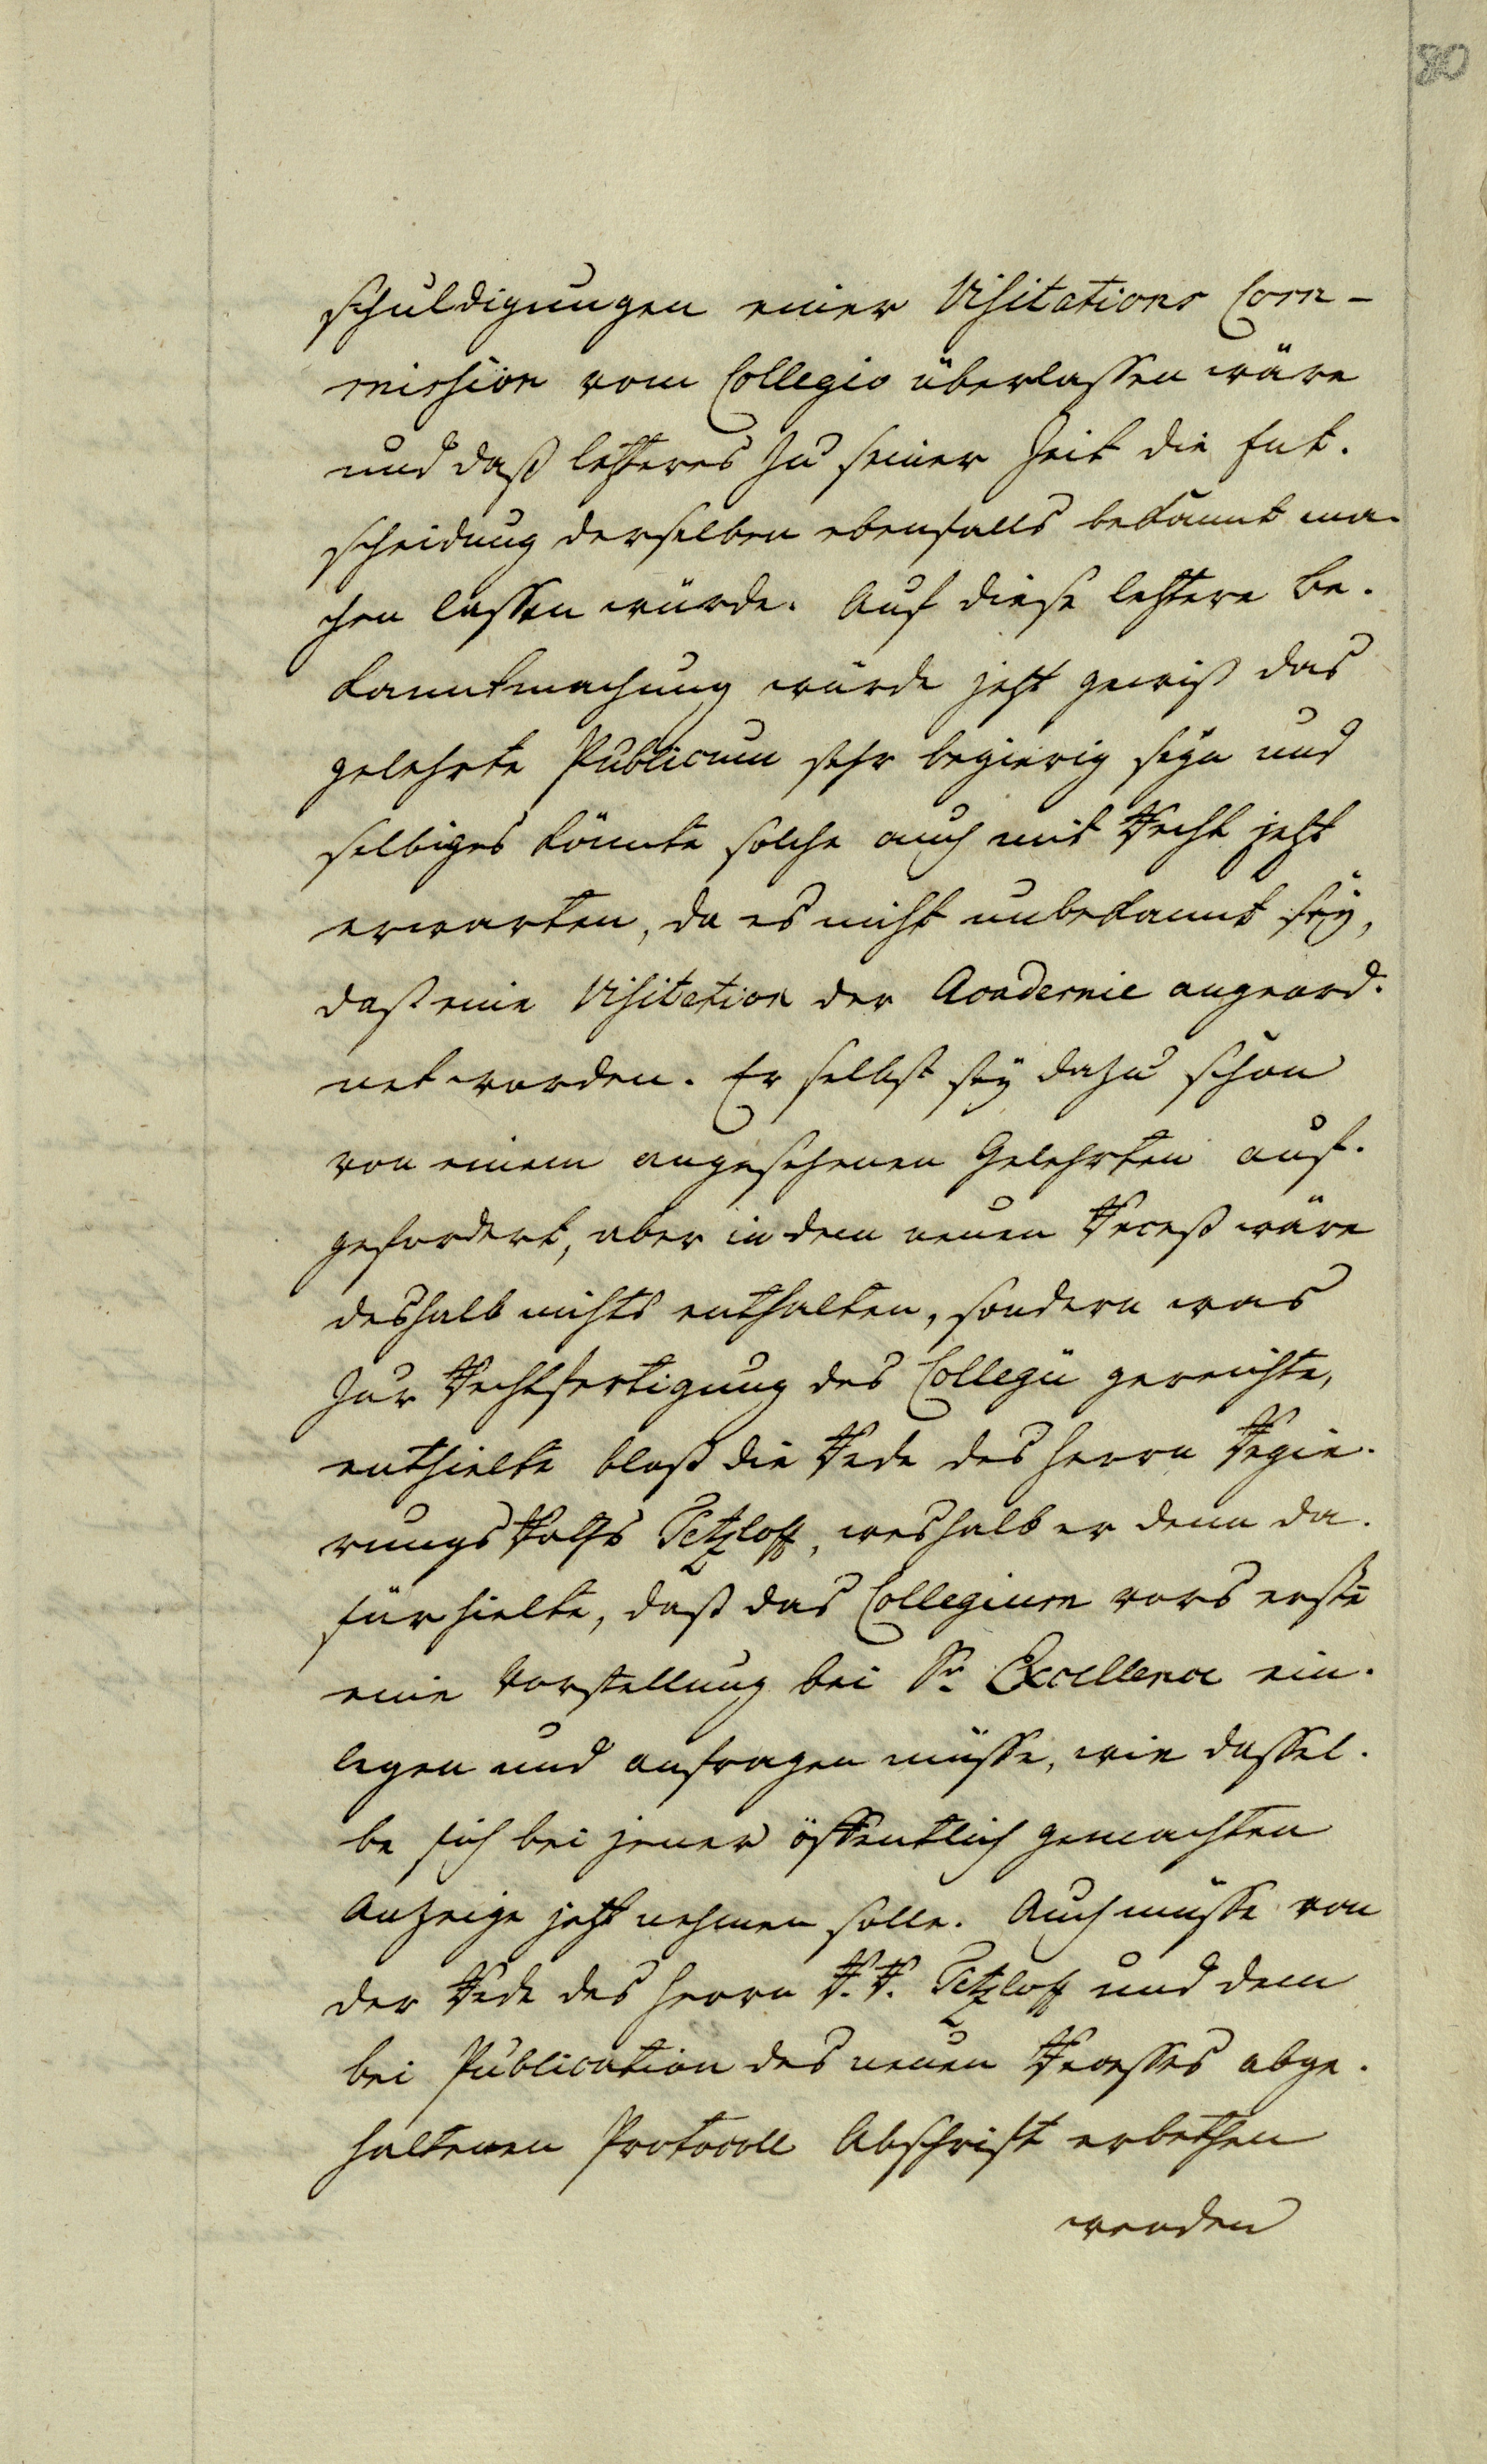schuldigungen einer Visitations Com¬
mission vom Collegio überlassen wäre
und daß letzteres zu seiner Zeit die Ent¬
scheidung derselben ebenfalls bekannt ma¬
chen lassen würde. auf diese letztere Be¬
kanntmachung würde jetzt gewiß das
gelehrte Publicum sehr begierig seÿn und
selbiges könnte solche auch mit Recht jetzt
erwarten, da es nicht unbekannt seÿ,
daß eine Visitation der Academie angeord¬
net worden. Er selbst seÿ dazu schon
von einem angesehenen Gelehrten auf¬
gefordert, aber in dem neuen Receß wäre
deshalb nichts enthalten, sondern was
zur Rechtfertigung des Collegii gereichte,
enthielte bloß die Rede des Herrn Regie¬
rungs Raths Tetzloff, weshalb er denn da¬
für hielte, daß das Collegium vors erste
eine Vorstellung bei Sr Excellence ein¬
legen und anfragen müsse, wie dassel¬
be sich bei jener öffentlich gemachten
Anzeige jetzt nehmen solle. Auch müsse von
der Rede des Herrn R. R. Tetzloff und dem
bei Publication des neuen Recesses abge¬
haltenen Protocoll Abschrift erbethen
wenden